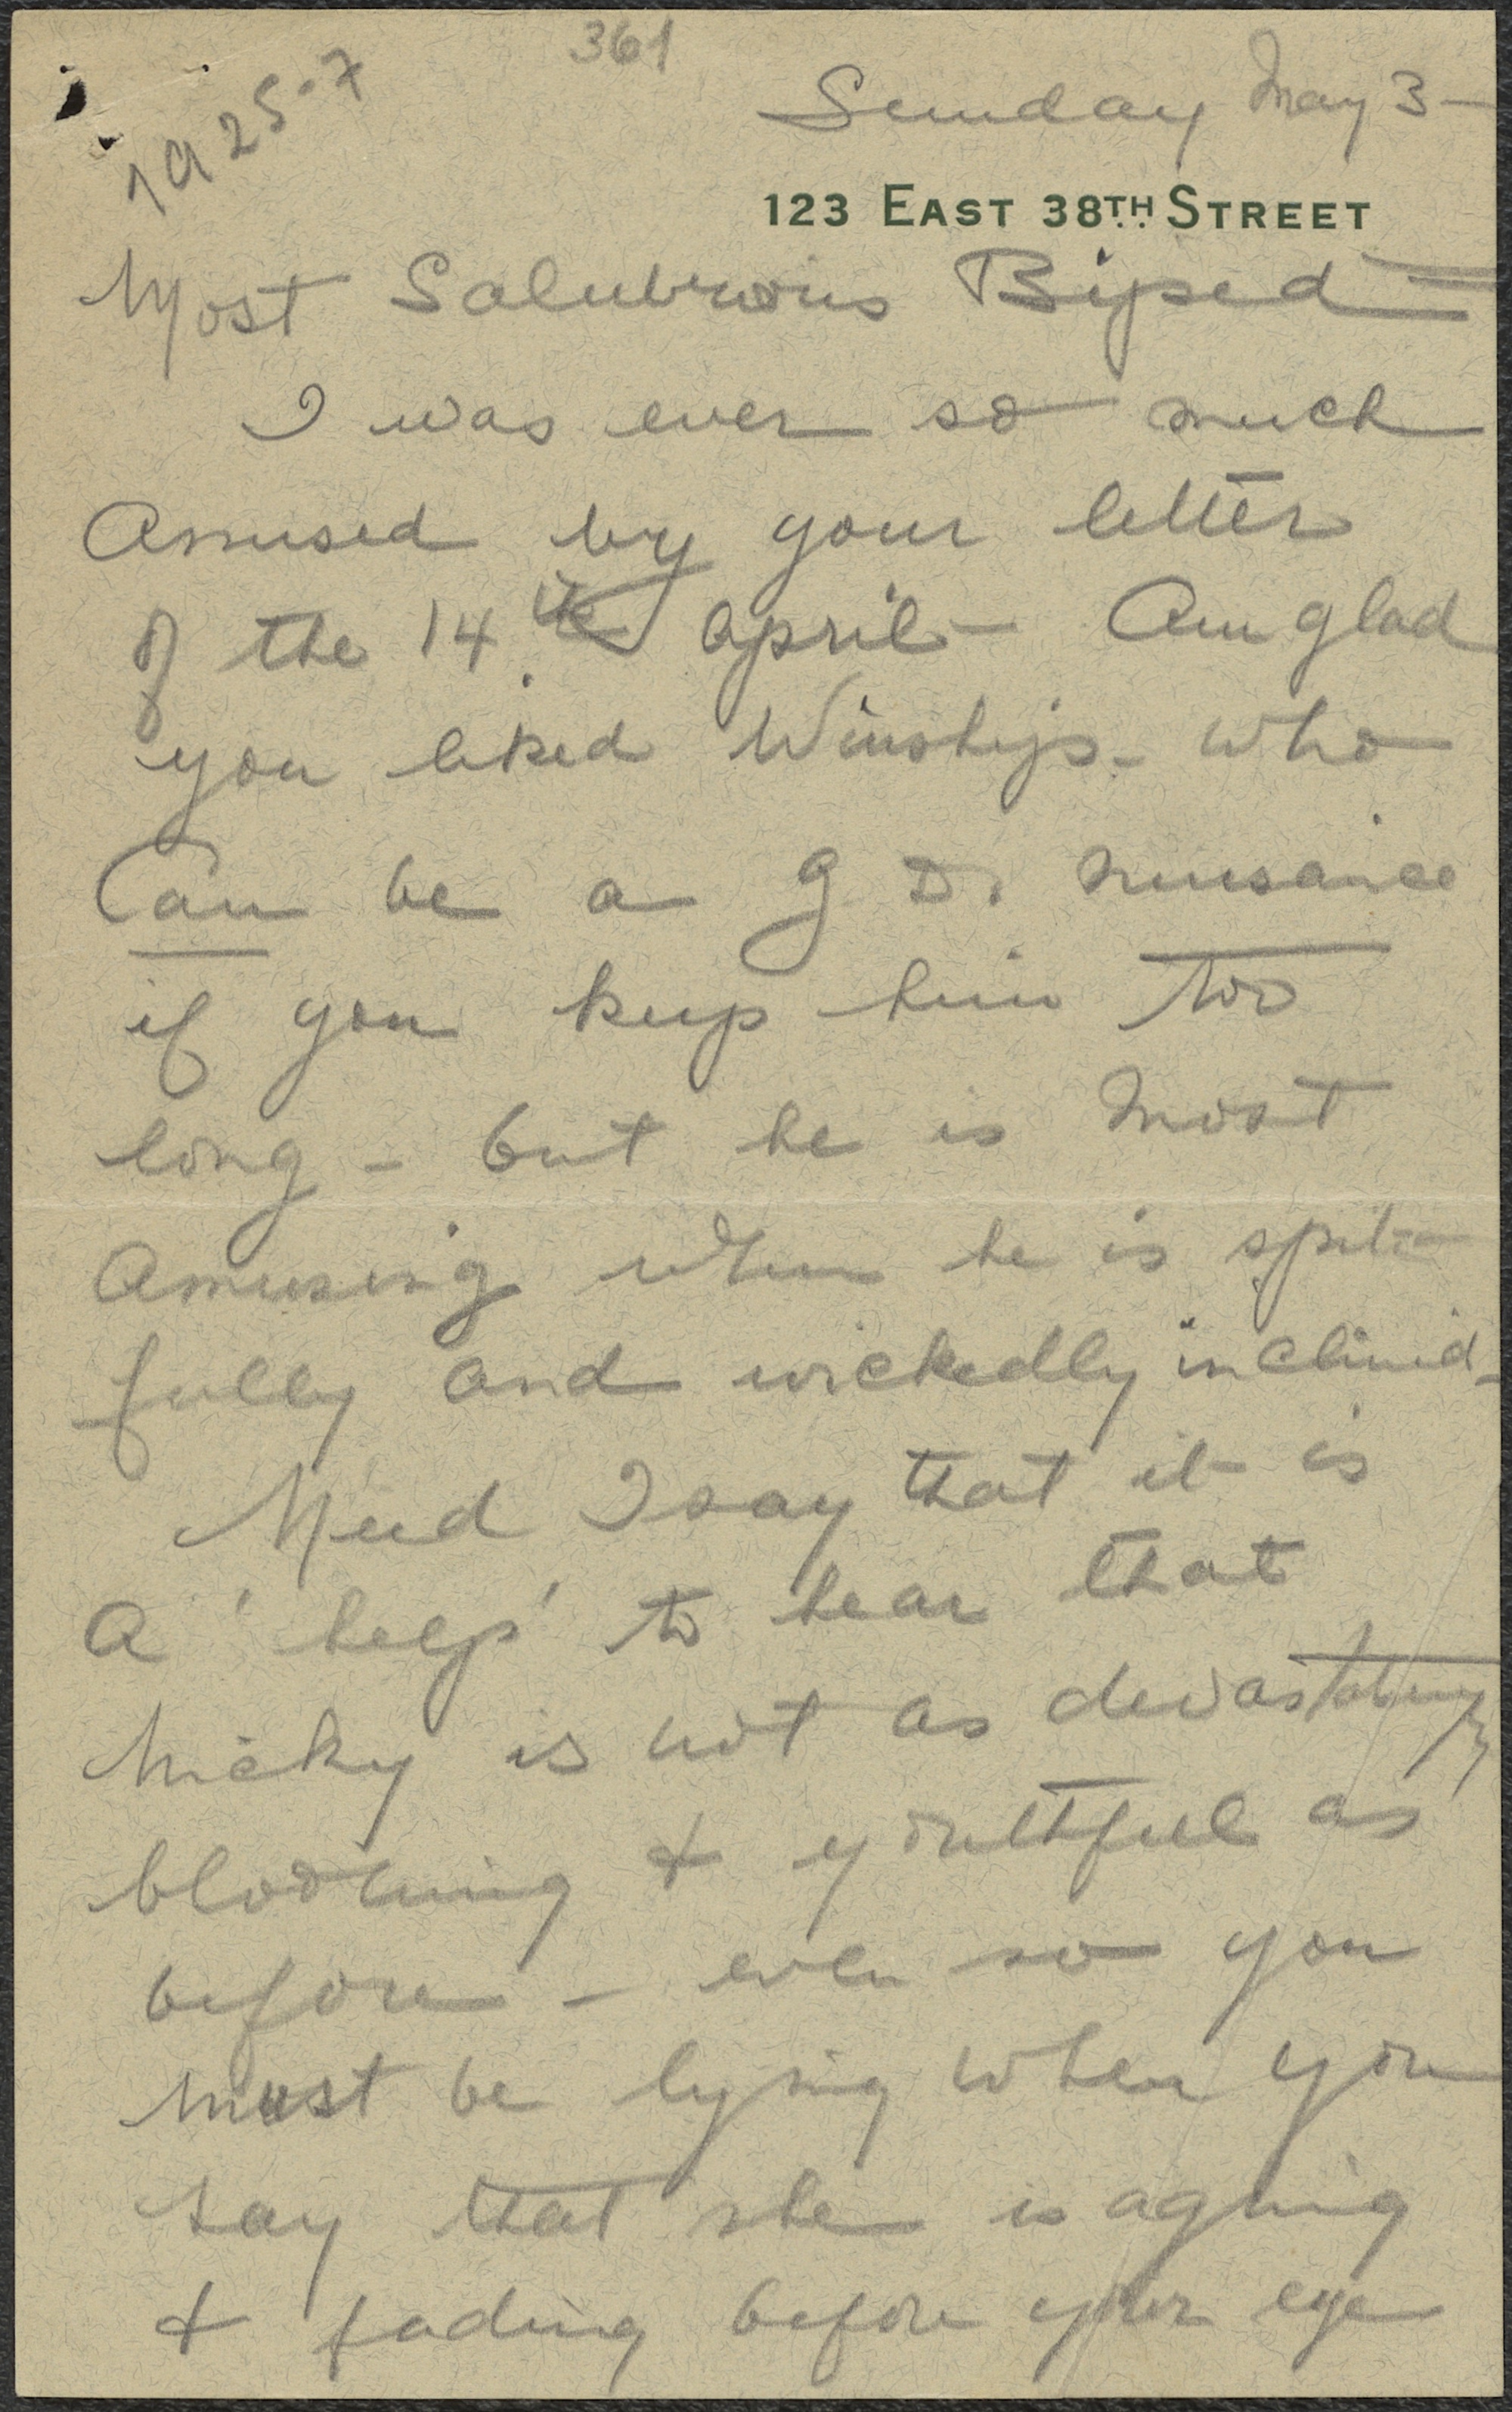Sunday May 3 –
Most Salubrious Biped –
I was ever so much amused by your letter of the 14th April – Am glad you liked Winship – who can be a G. D. nuisance if you keep him too long – but he is most amusing when he is spitefully and wickedly inclined –
Need I say that it is a ‘help’ to hear that Nicky is not as devastatingly blooming & youthful as before – even so you must be lying when you say that she is aging & fading before your eye